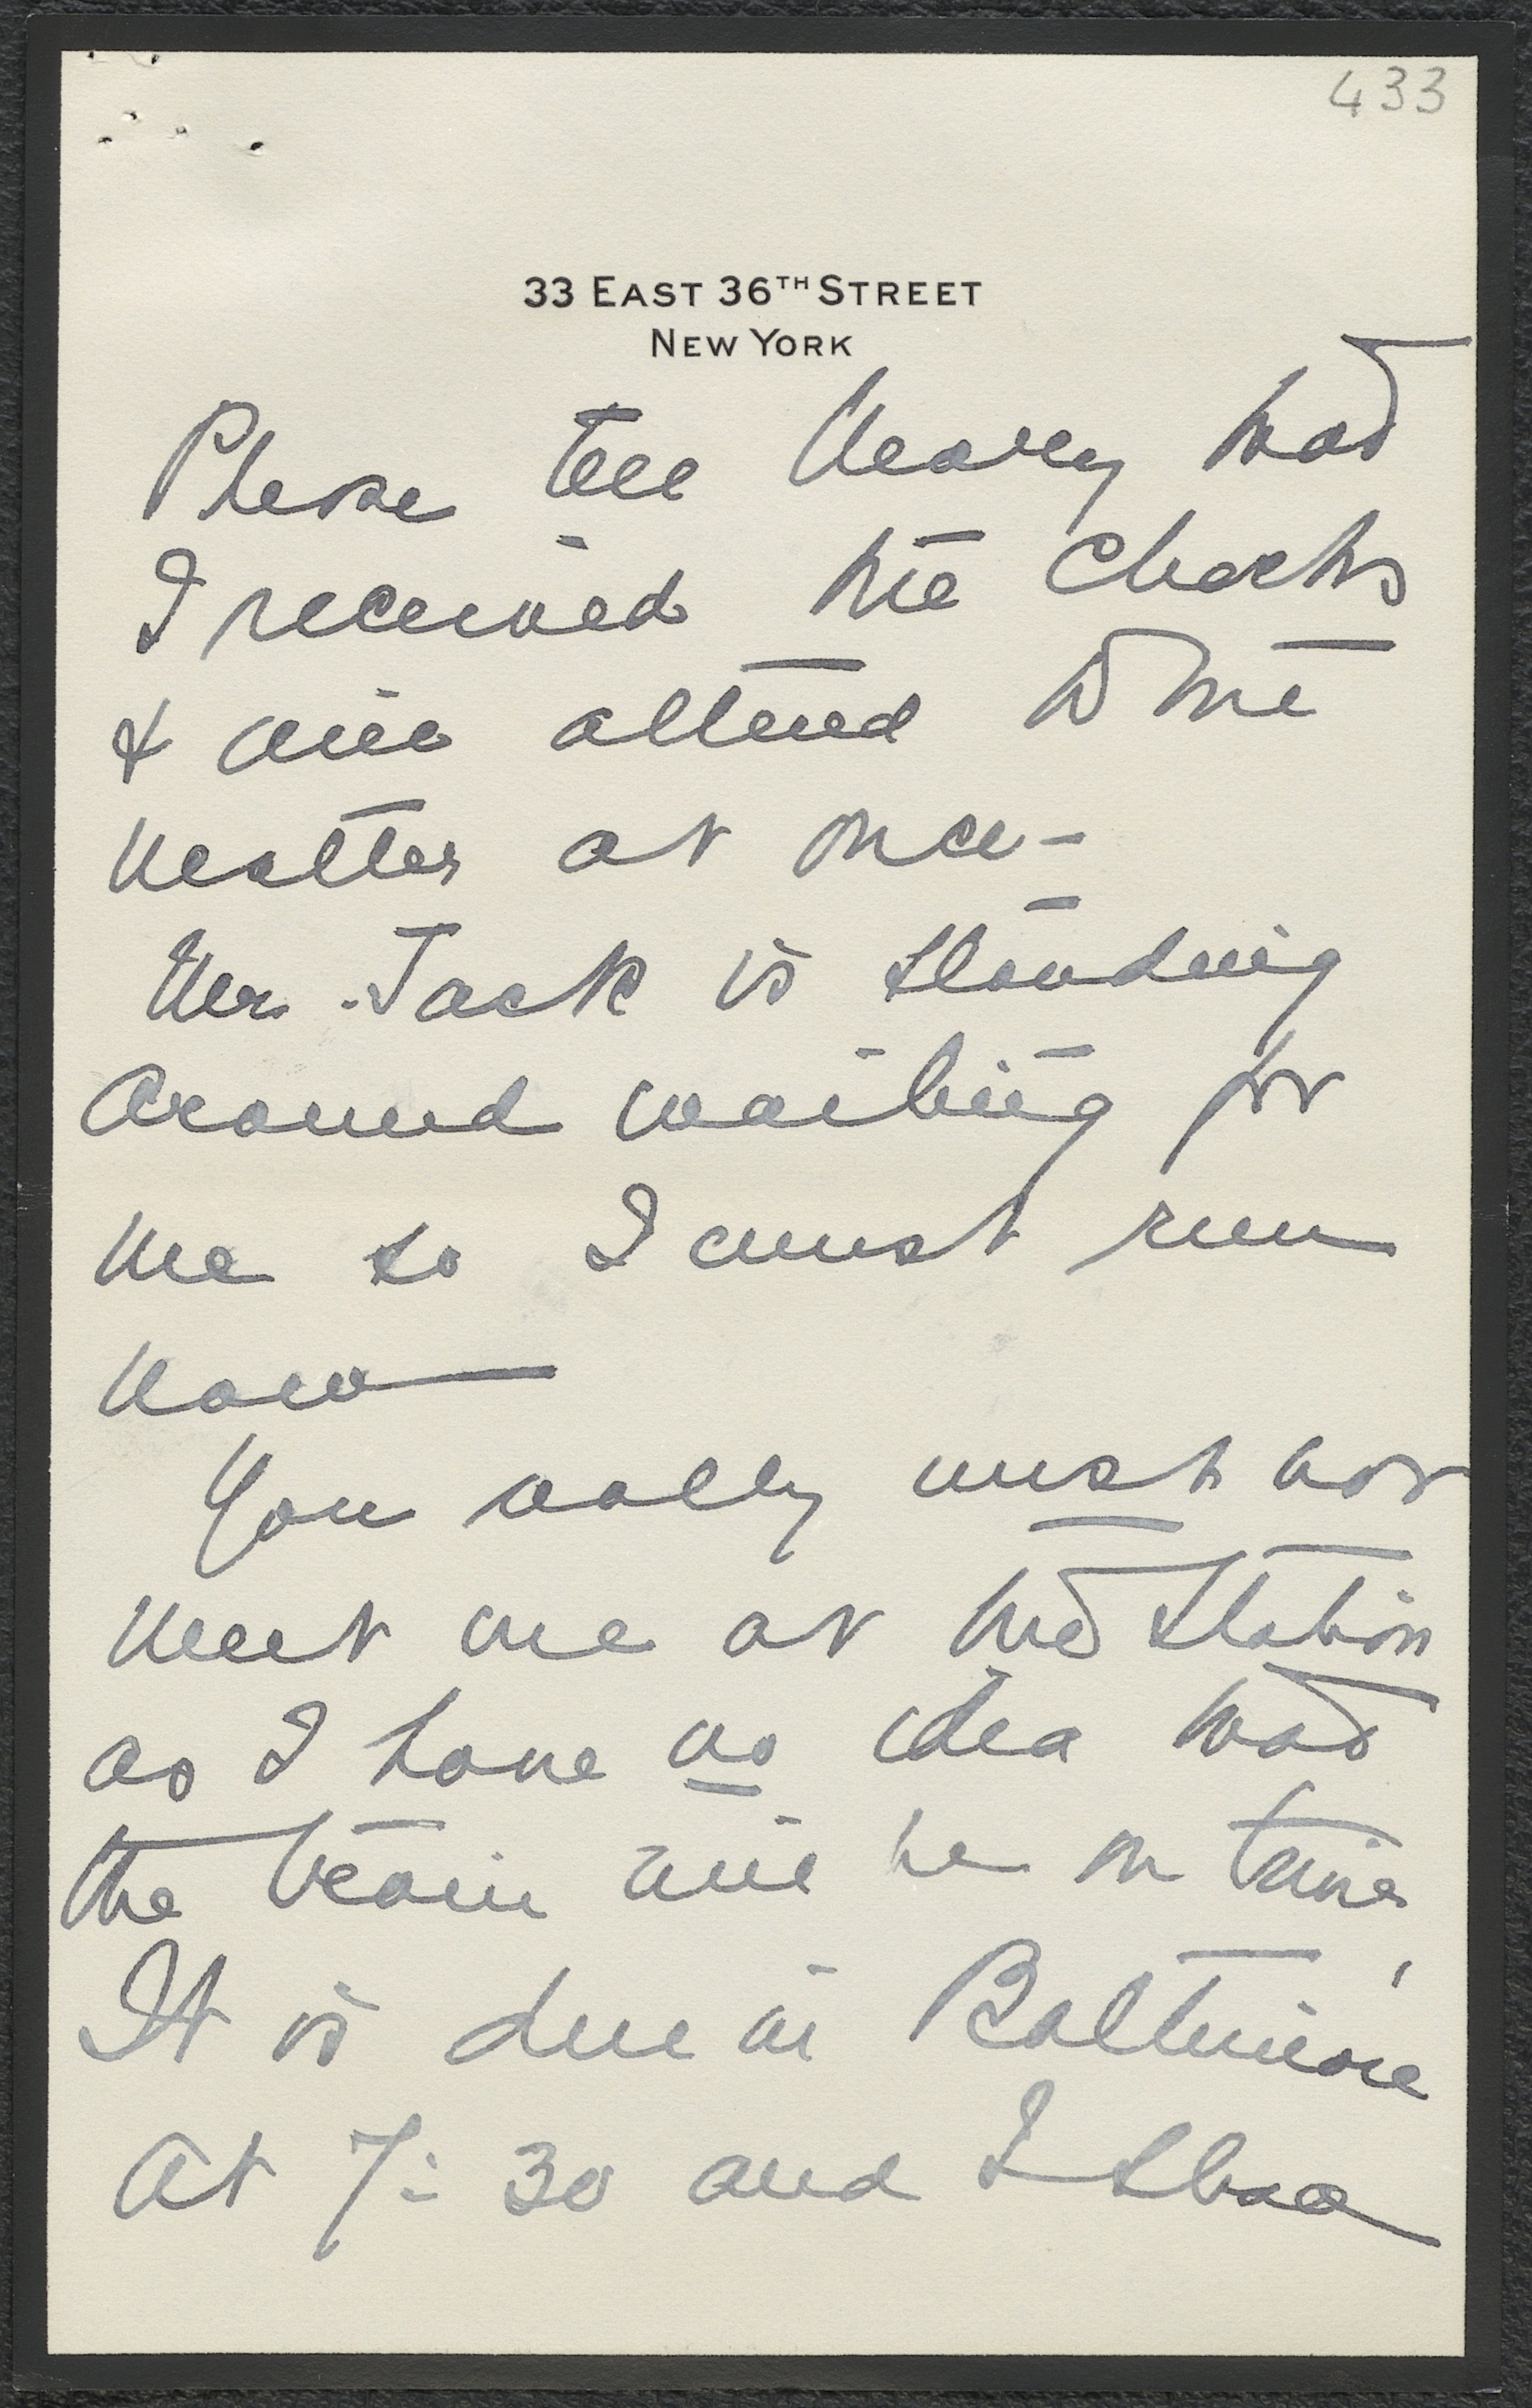Please tell Mary that I received the checks & will attend to the matter at once –
Mr. Jack is standing around waiting for me so I must run now –
You really must not meet me at the Station as I have no idea that the train will be on time. It is due in Baltimore at 7:30 and I shall